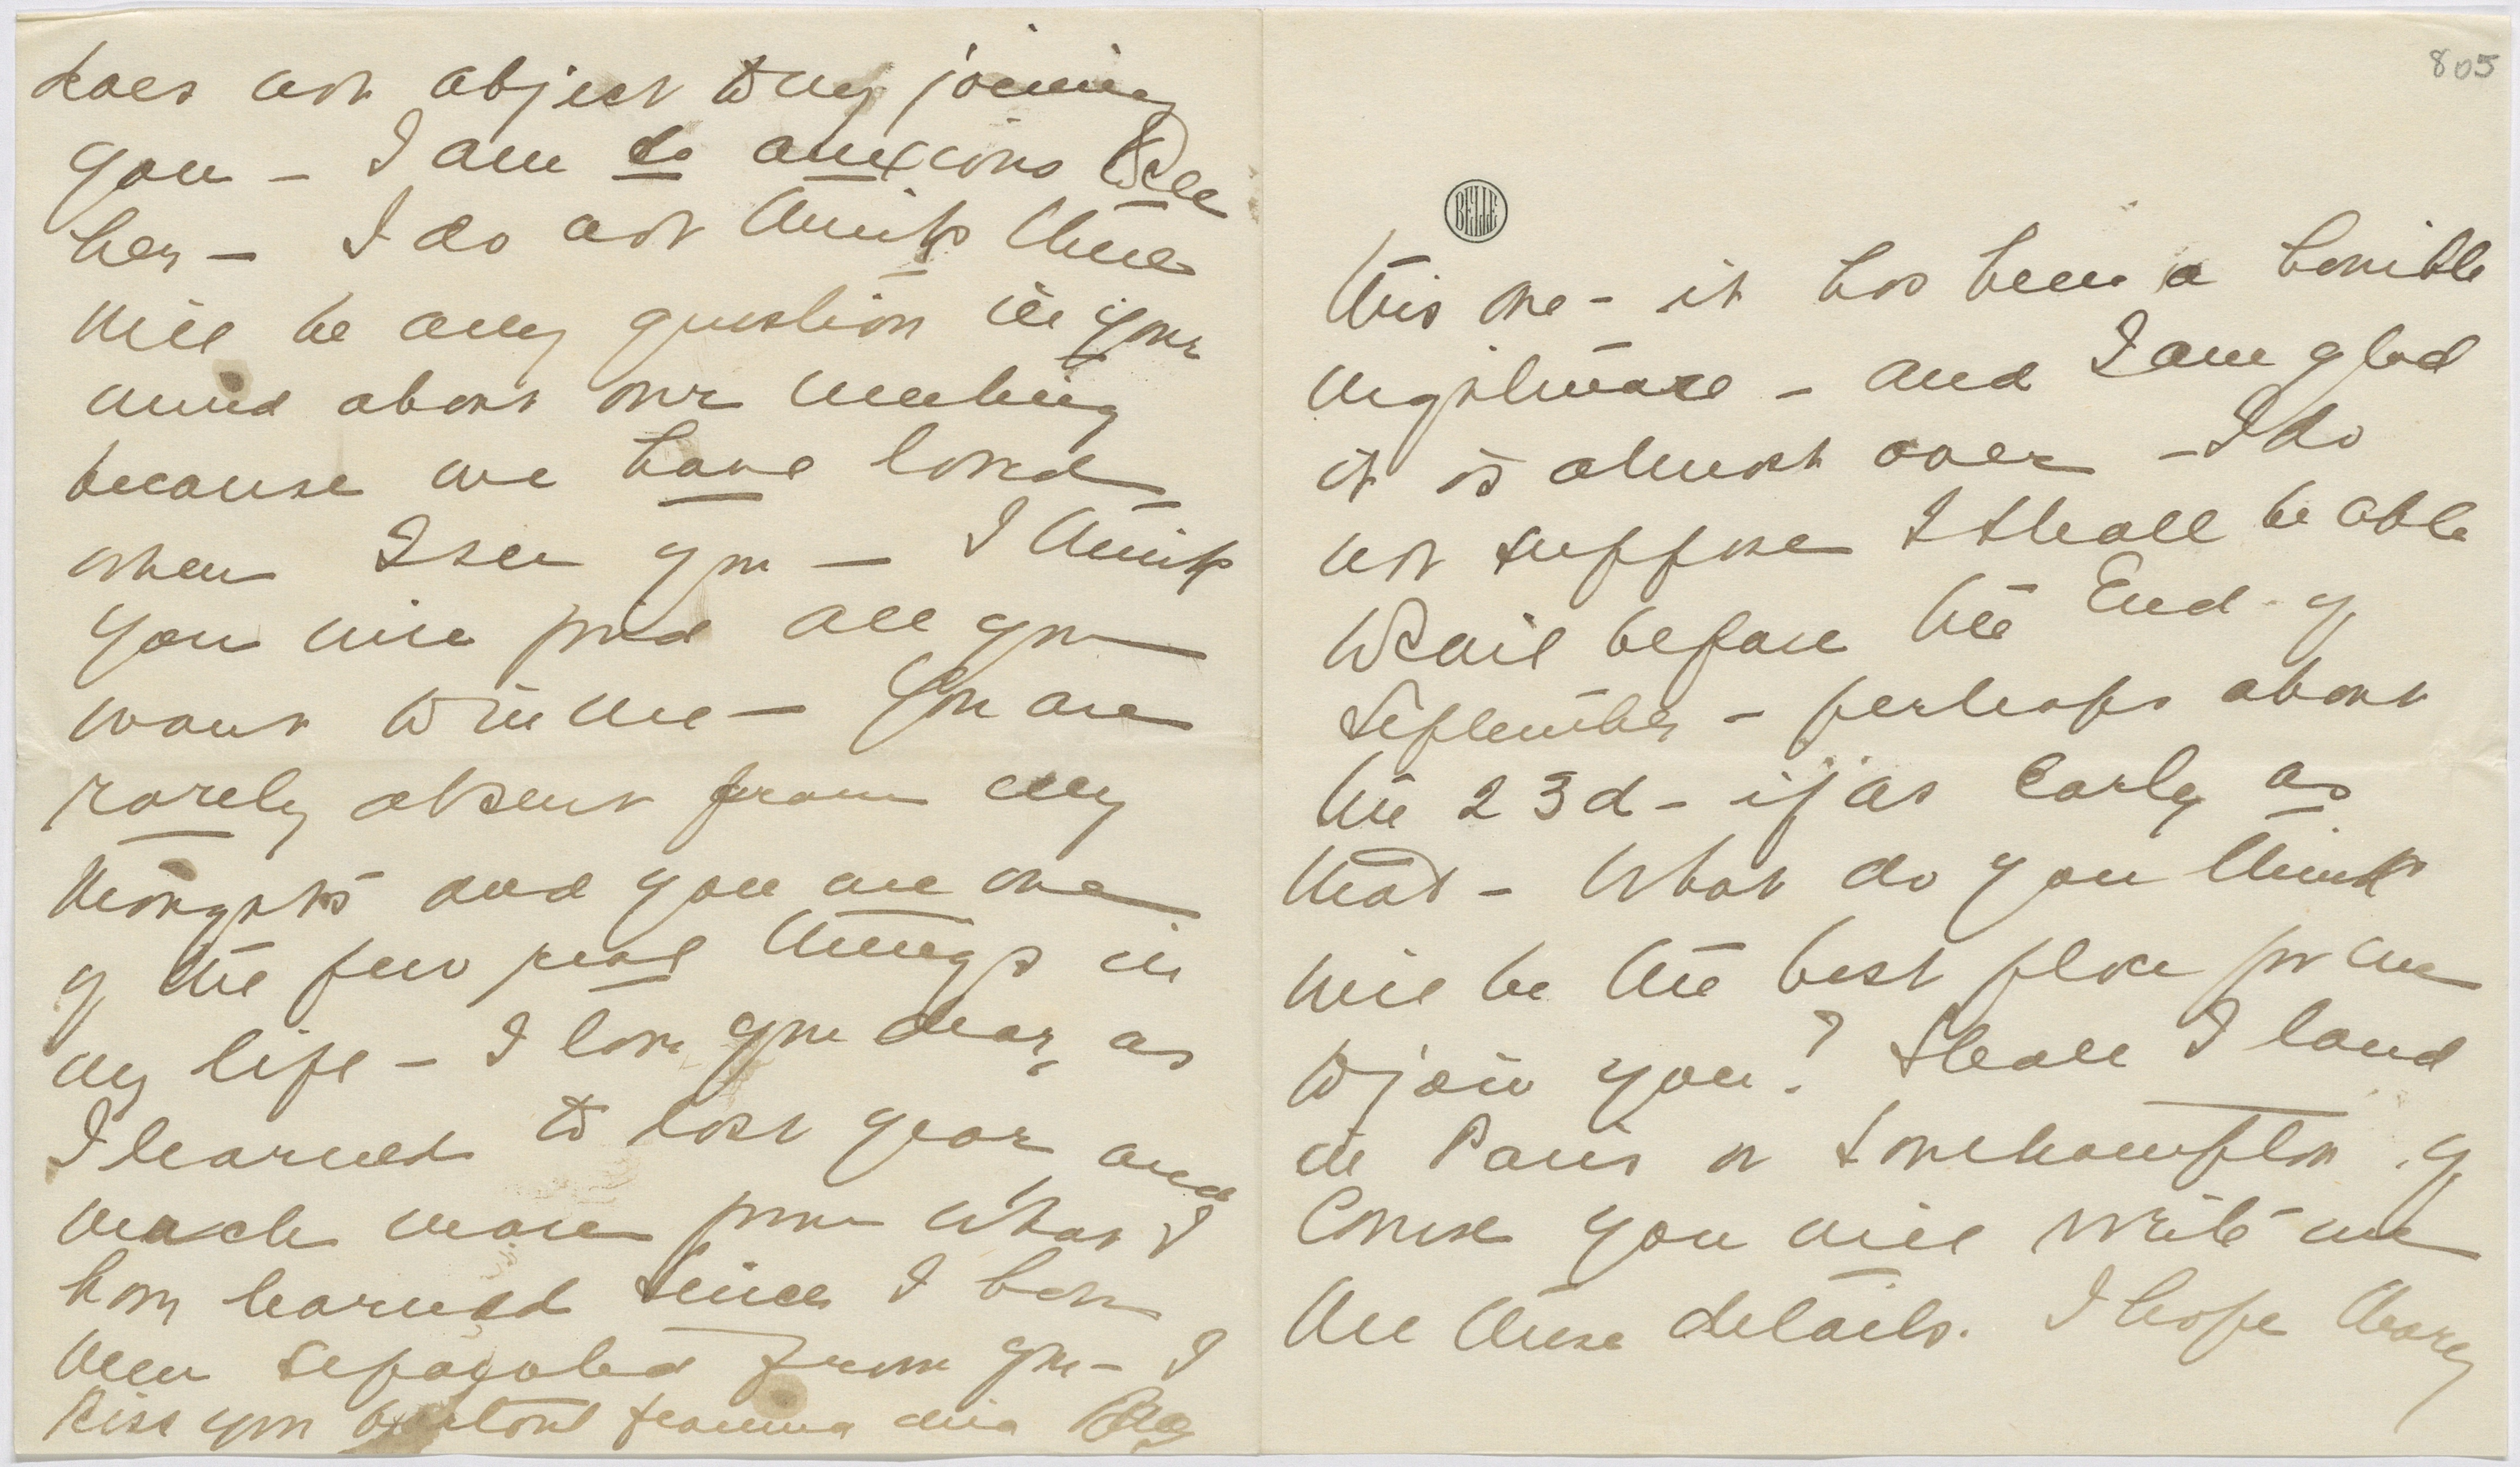this one – it has been a horrible nightmare – and I am glad it is almost over – I do not suppose I shall be able to sail before the end of September – perhaps about the 23d – if as early as that – What do you think will be the best place for me to join you? Shall I land in Paris or Southampton of course you will write me all these details. I hope Mary
does not object to my joining you – I am so anxious to see her – I do not think there will be any question in your mind about our meeting because we have loved when I see you – I think you will find all you want to in me – You are rarely absent from my thoughts and you are one of the few real things in my life – I love you dear, as I learned to last year and much more from what I have learned since I have been separated from you – I kiss you beloved fiamma mia Belle